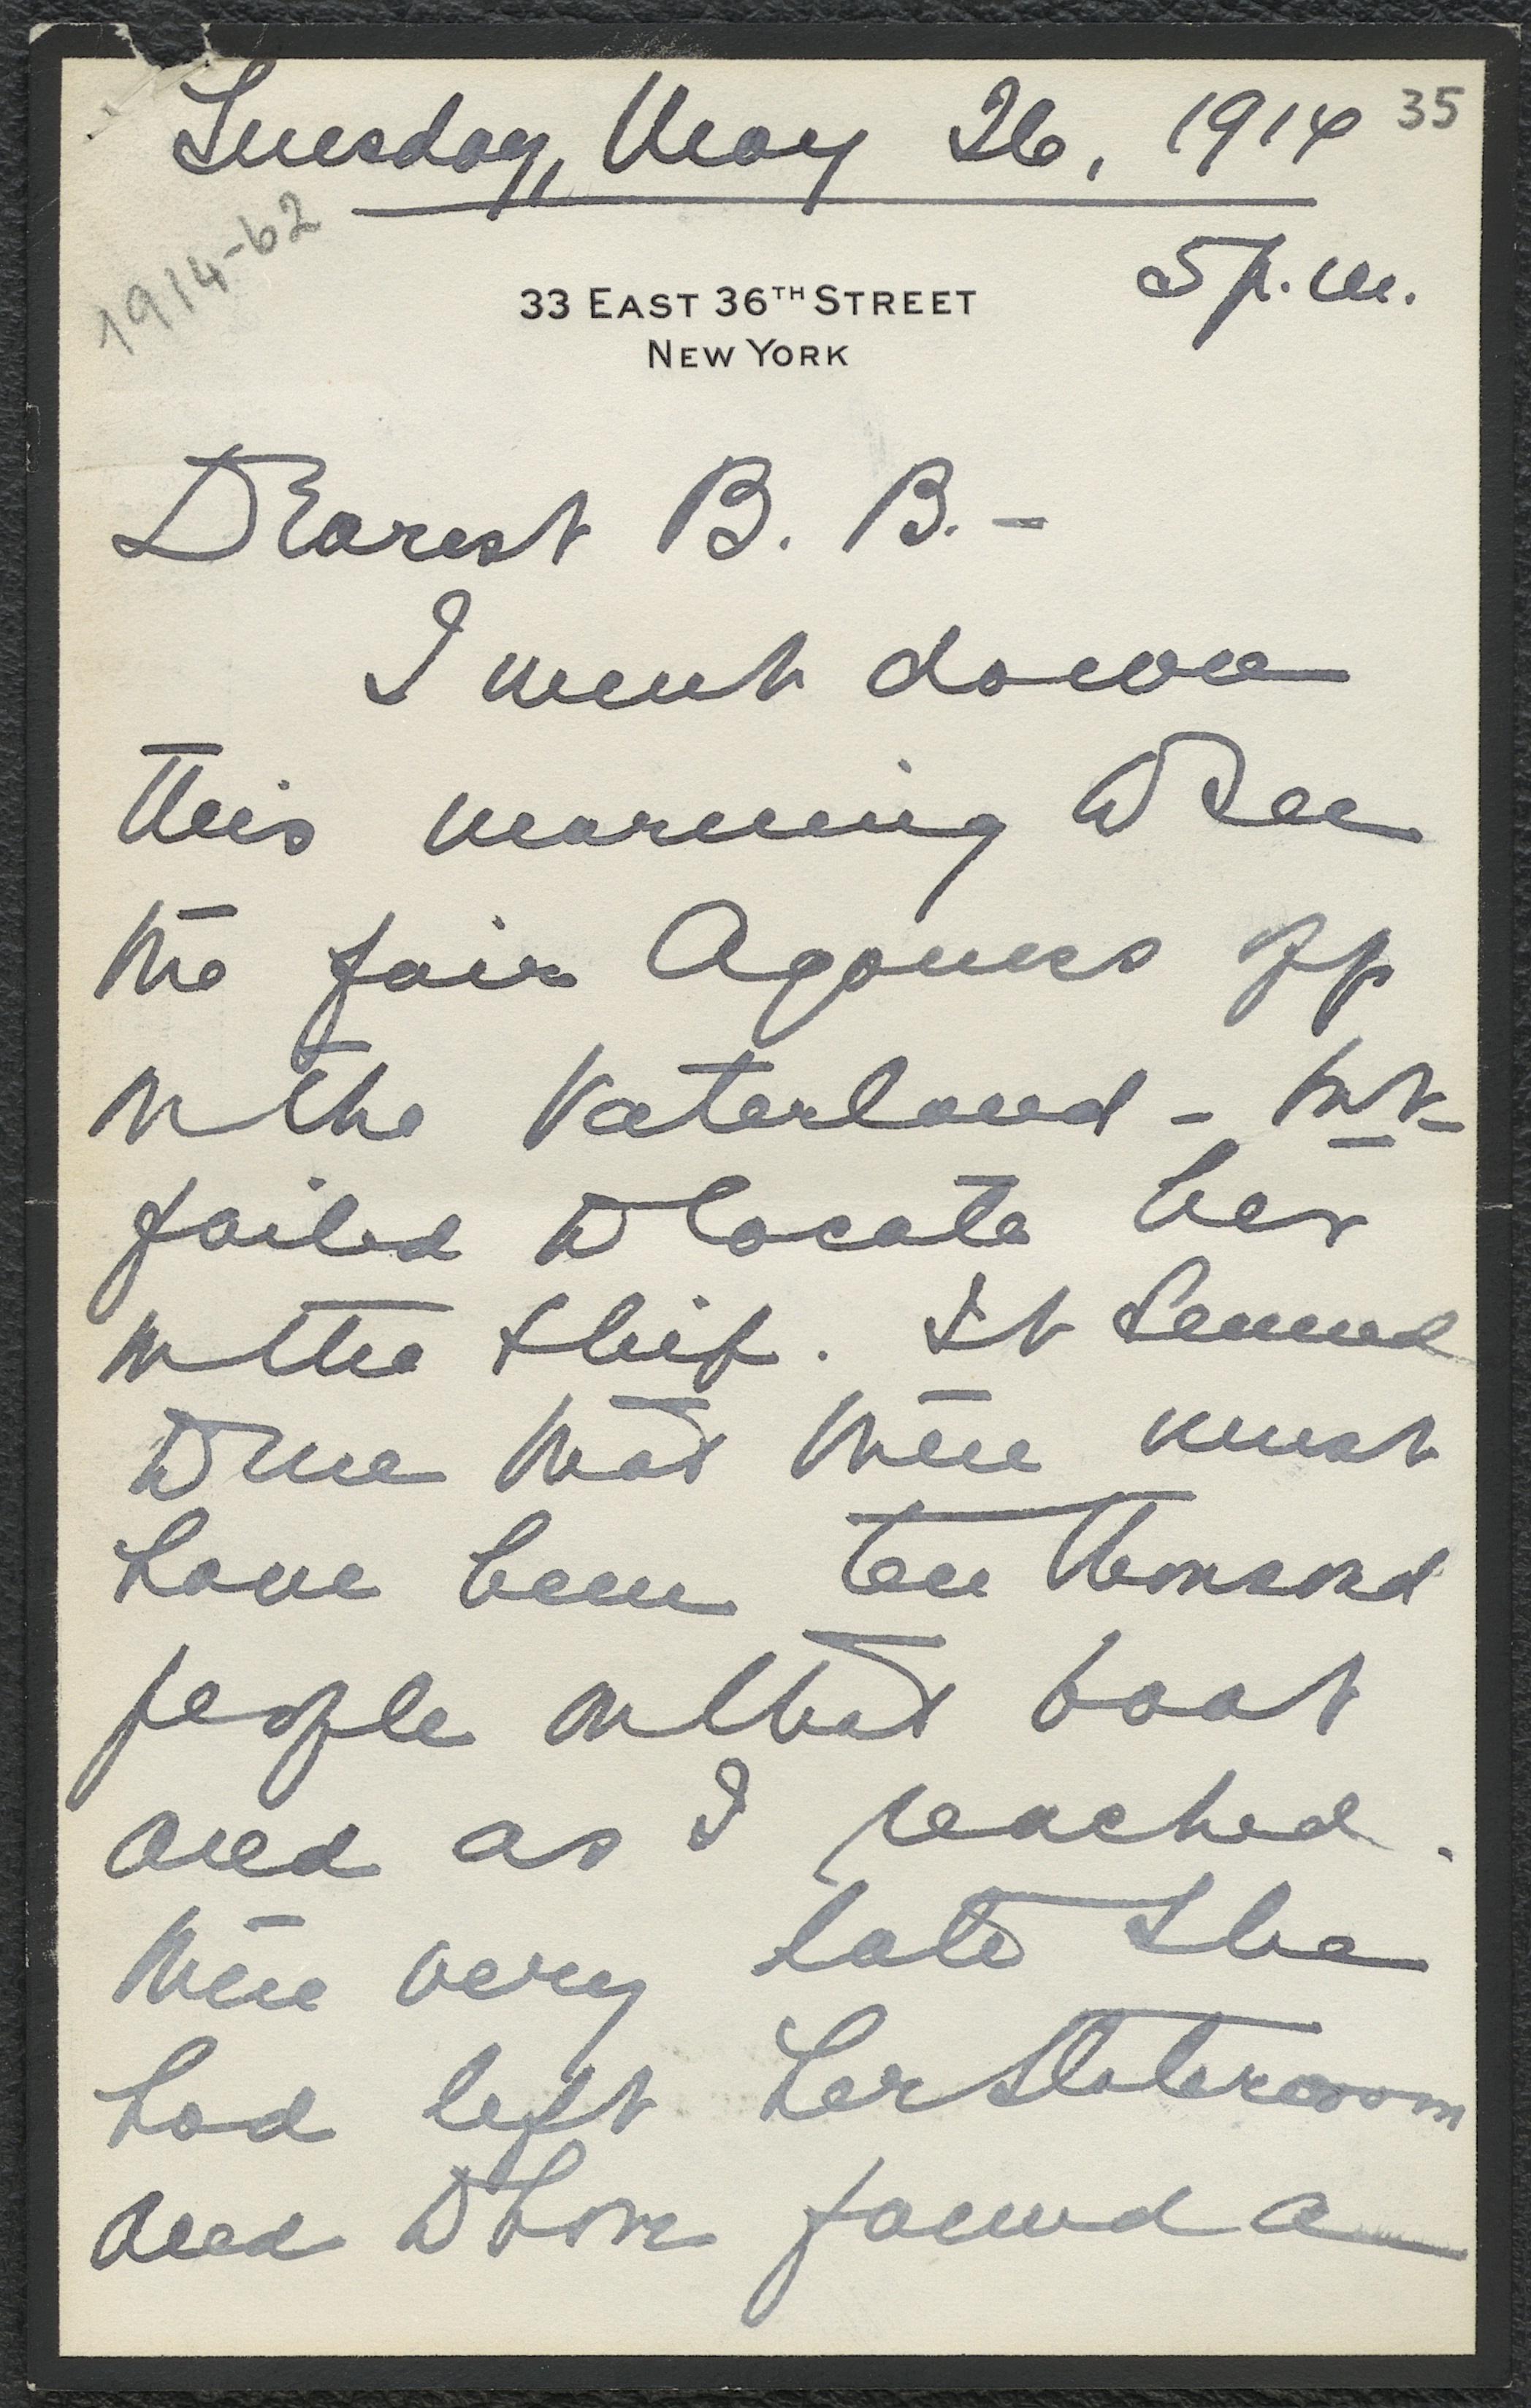Tuesday, May 26, 1914
5p.m.
Dearest B. B. –
I went down this morning to see the fair Agoness off on the Vaterland – but – failed to locate her on the ship. It seemed to me that there must have been ten thousand people on that boat and as I reached there very late she had left her stateroom and to have found a